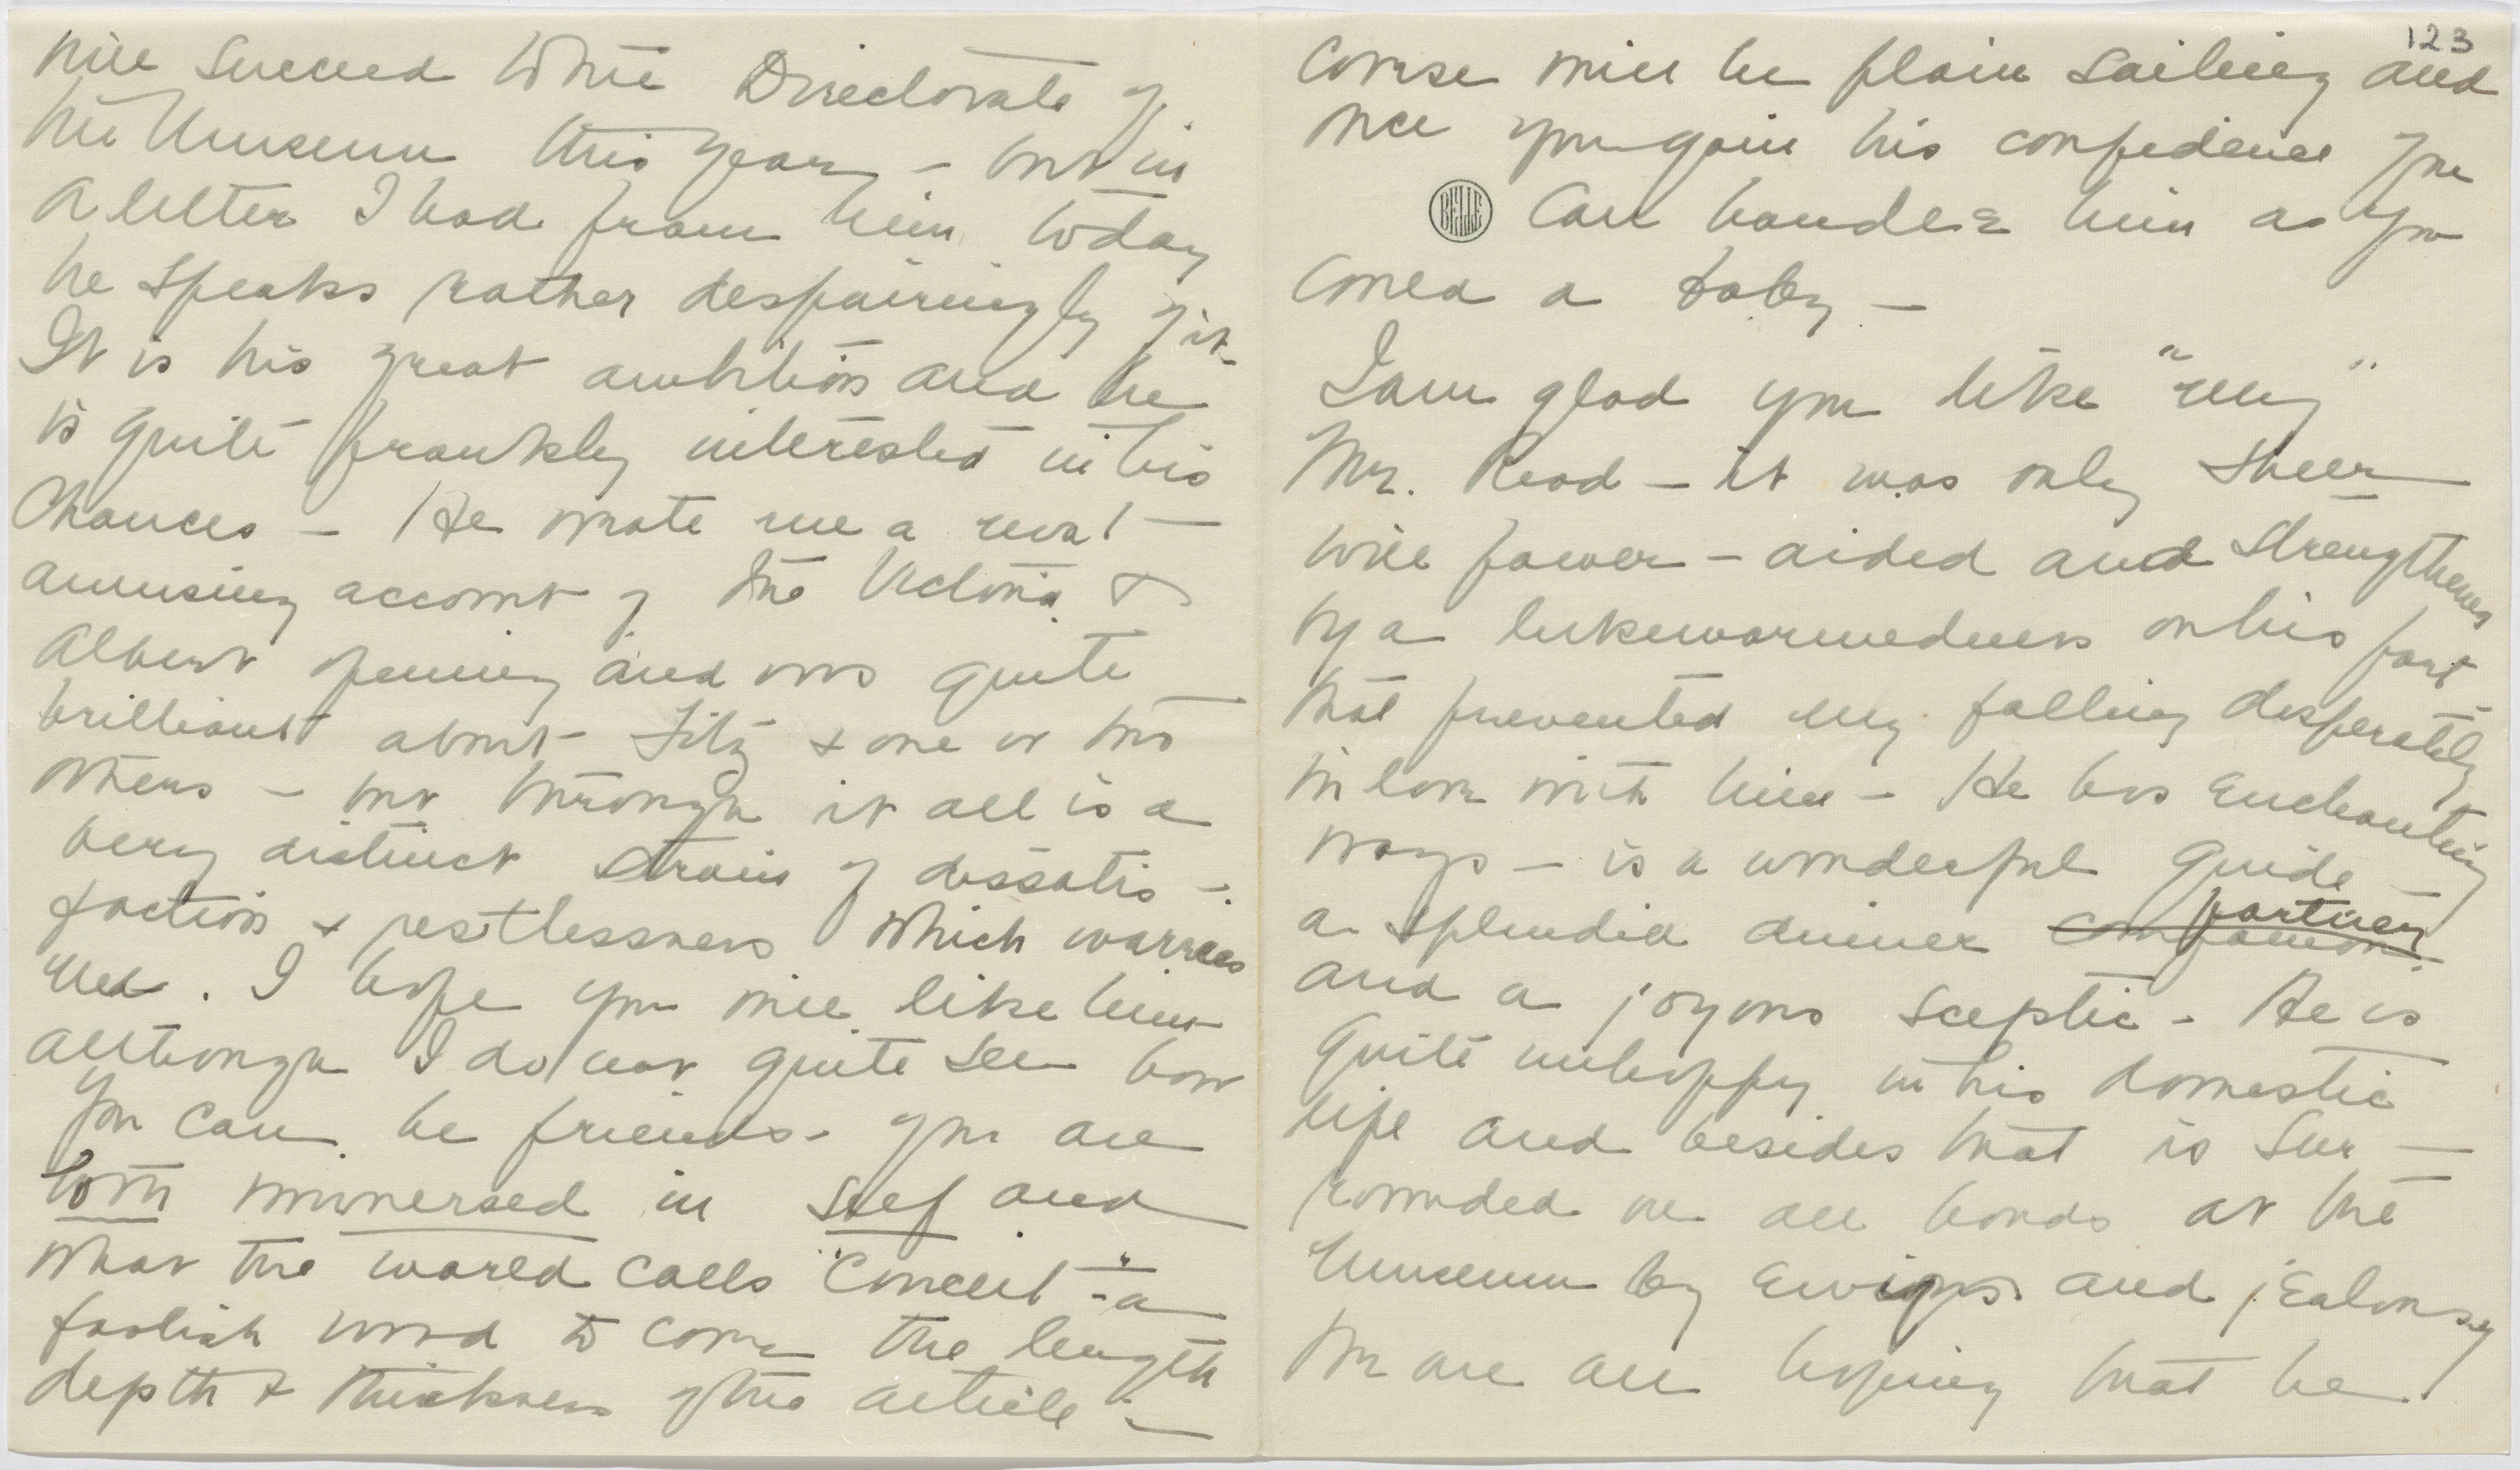course will be plain sailing and once you gain his confidences you can handle him as you could a baby –
I am glad you like “my” Mr. Read – it was only sheer will power – aided and strengthened by a lukewarmedness on his part that prevented my falling desperately in love with him – He has enchanting ways – is a wonderful guide – a splendid dinner companion ˆpartnerˆ and a joyous sceptic – He is quite unhappy in his domestic life and besides that is surrounded on all hands at the Museum by enviousy and jealousy
We are all hoping that he
will succeed to the Directorate of the Museum this year – but in a letter I had from him today he speaks rather despairingly of it – It is his great ambition and he is quite frankly interested in his chances – He wrote me a most amusing account of the Victoria & Albert opening and was quite brilliant about Fitz & one or two others – but through it all is a very distinct strain of dissatisfaction & restlessness which worries me. I hope you will like him although I do not quite see how you can be friends – you are both immersed in self and what the world calls “conceit” – a foolish word to cover the length depth & thickness of the article –